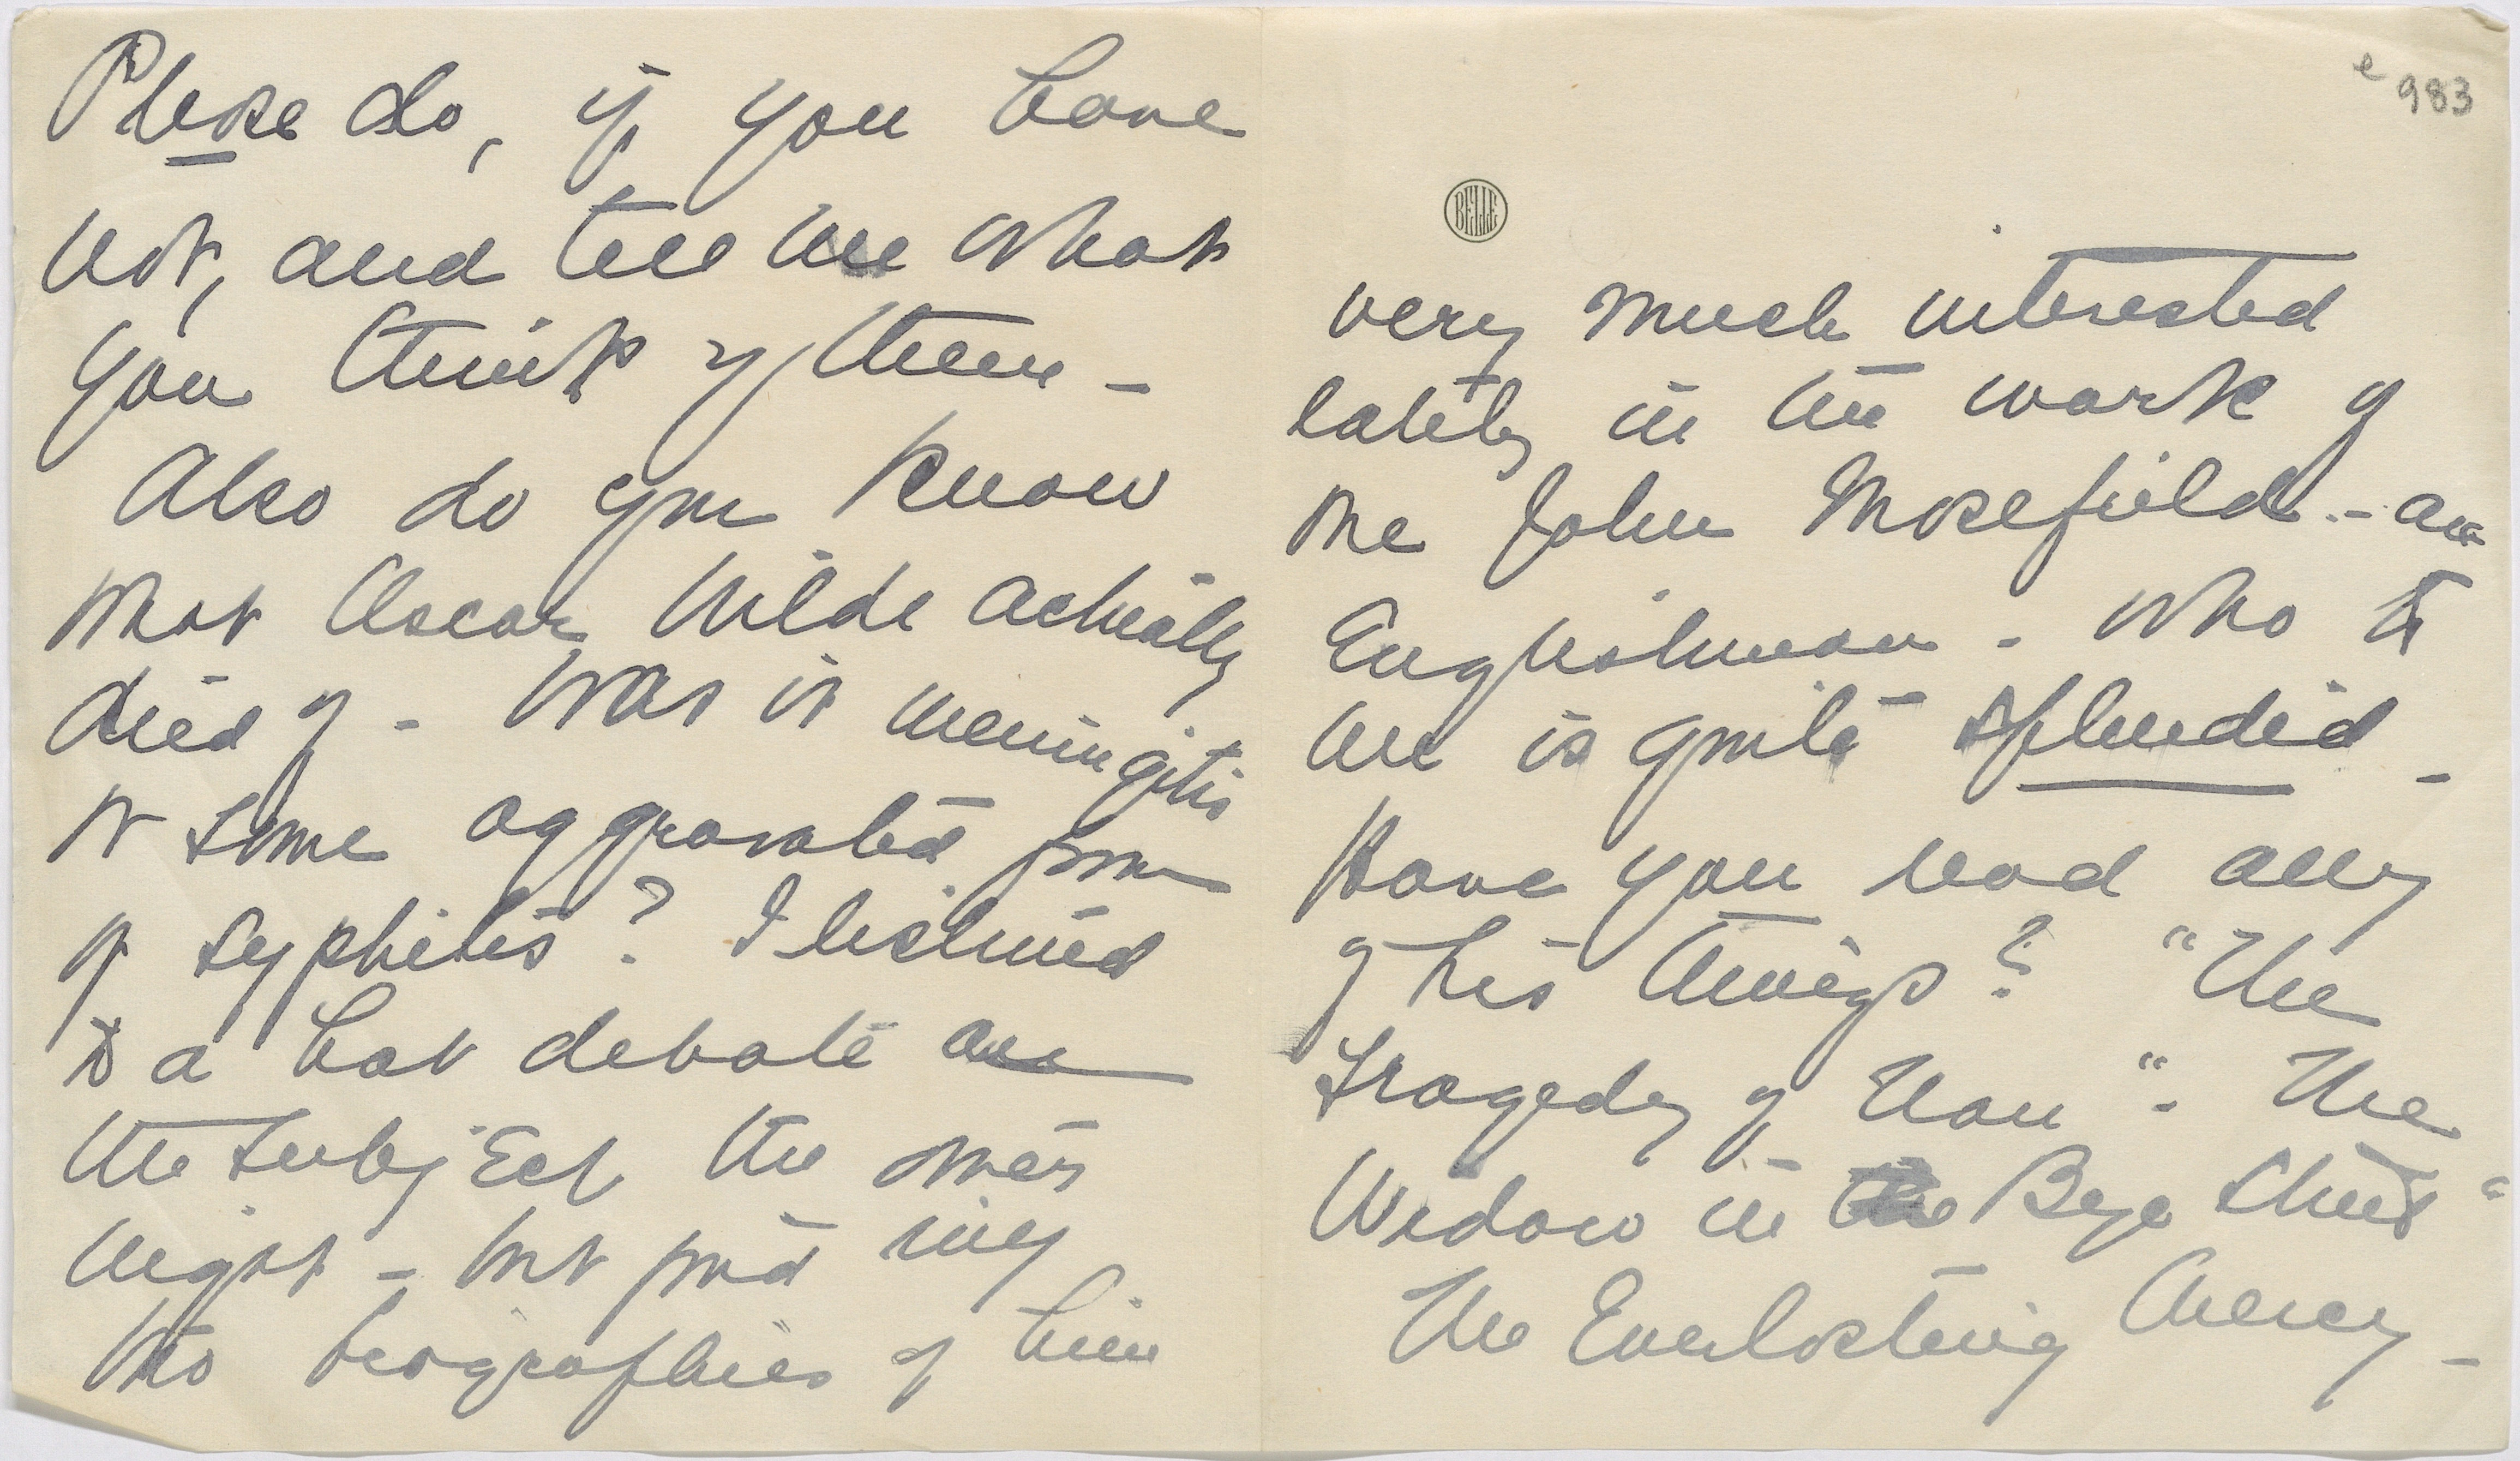very much interested lately in the work of one John Masefield – an Englishman – who to me is quite splendid – Have you read any of his things? “The Tragedy of Man” – The Widow in the Bye Street”
The Everlasting Mercy –
Please do, if you have not, and tell me what you think of them –
Also do you know what Oscar Wilde actually died of – was it meningitis or some aggravated form of syphilis? I listened to a hot debate on the subject the other night – but find my two biographies of him